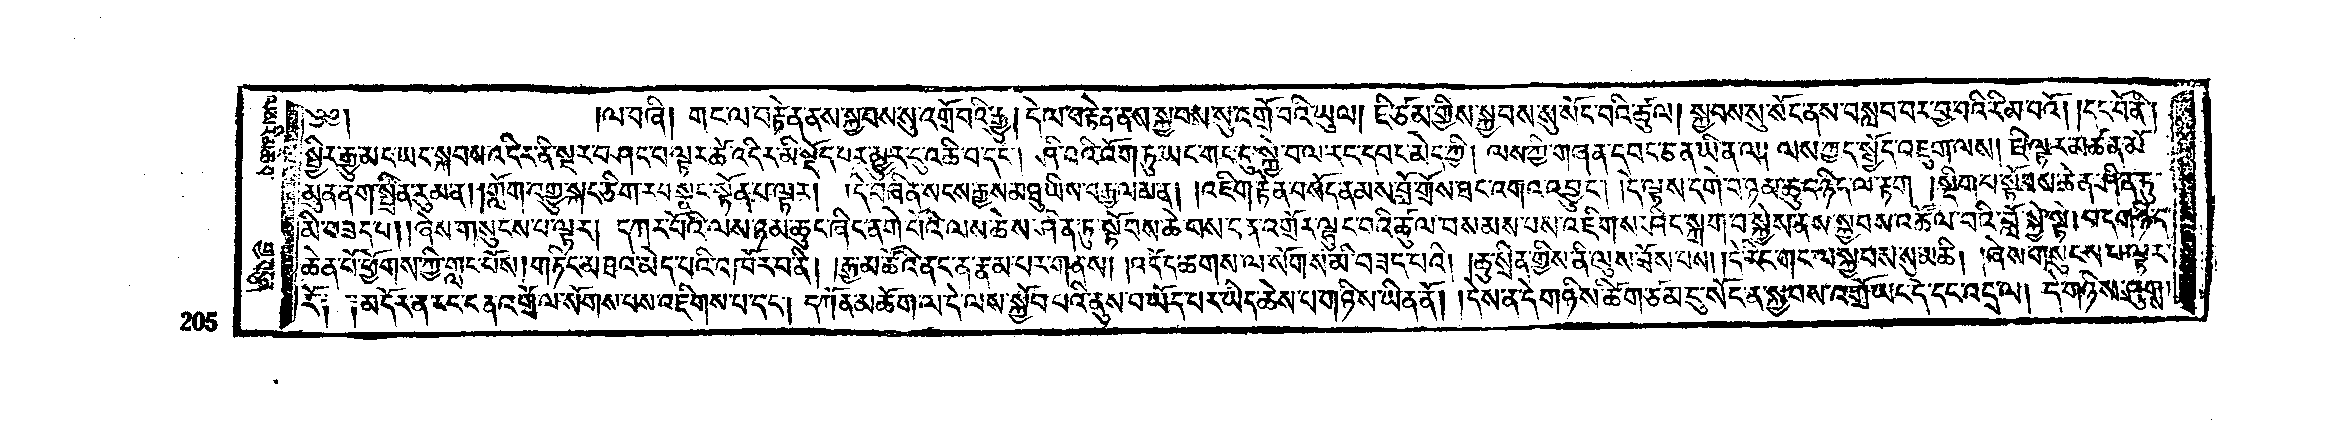༄༅། །ལ་བཞི། གང་ལ་བརྟེན་ནས་སྐྱབས་སུ་འགྲོ་བའི་རྒྱུ། དེ་ལ་བརྟེན་ནས་སྐྱབས་སུ་འགྲོ་བའི་ཡུལ། ཇི་ཙམ་གྱིས་སྐྱབས་སུ་སོང་བའི་ཚུལ། སྐྱབས་སུ་སོང་ནས་བསླབ་པར་བྱ་བའི་རིམ་པའོ། །དང་པོ་ནི།
སྤྱིར་རྒྱུ་མང་ཡང་སྐབས་འདིར་ནི་སྔར་བཤད་པ་ལྟར་ཚེ་འདིར་མི་སྡོད་པར་མྱུར་དུ་འཆི་བ་དང་། ཤི་བའི་འོག་ཏུ་ཡང་གང་དུ་སྐྱེ་བ་ལ་རང་དབང་མེད་ཀྱི། ལས་ཀྱི་གཞན་དབང་ཅན་ཡིན་ལ། ལས་ཀྱང་སྤྱོད་འཇུག་ལས། ཇི་ལྟར་མཚན་མོ་
མུན་ནག་སྤྲིན་རུམ་ན། །གློག་འགྱུ་སྐད་ཅིག་རབ་སྣང་སྟོན་པ་ལྟར། །དེ་བཞིན་སངས་རྒྱས་མཐུ་ཡིས་བརྒྱ་ལམ་ན། །འཇིག་རྟེན་བསོད་ནམས་བློ་གྲོས་ཐང་འགའ་འབྱུང་། །དེ་ལྟས་དགེ་བ་ཉམ་ཆུང་ཉིད་ལ་རྟག །སྡིག་པ་སྟོབས་ཆེན་ཤིན་ཏུ་
མི་བཟད་པ། །ཞེས་གསུངས་པ་ལྟར། དཀར་པོའི་ལས་ཉམ་ཆུང་ཞིང་ནག་པོའི་ལས་ཆེས་ཤིན་ཏུ་སྟོབས་ཆེ་བས་ངན་འགྲོར་ལྷུང་བའི་ཚུལ་བསམས་པས་འཇིགས་ཤིང་སྐྲག་པ་སྐྱེས་ནས་སྐྱབས་འཚོལ་བའི་བློ་སྐྱེ་སྟེ། བདག་ཉིད་
ཆེན་པོ་ཕྱོགས་ཀྱི་གླང་པོས། གཏིང་མཐའ་མེད་པའི་འཁོར་བ་ནི། །རྒྱ་མཚོའི་ནང་ན་རྣམ་པར་གནས། །འདོད་ཆགས་ལ་སོགས་མི་བཟད་པའི། །ཆུ་སྲིན་གྱིས་ནི་ལུས་ཟོས་པས། །དེ་རིང་གང་ལ་སྐྱབས་སུ་མཆི། །ཞེས་གསུངས་པ་ལྟར་
རོ༑ ༑མདོར་ན་རང་ངན་འགྲོ་ལ་སོགས་པས་འཇིགས་པ་དང་། དཀོན་མཆོག་ལ་དེ་ལས་སྐྱོབ་པའི་ནུས་པ་ཡོད་པར་ཡིད་ཆེས་པ་གཉིས་ཡིན་ནོ། །དེས་ན་དེ་གཉིས་ཚིག་ཙམ་དུ་སོང་ན་སྐྱབས་འགྲོ་ཡང་དེ་དང་འདྲ་ལ། དེ་གཉིས་ཤུགས་